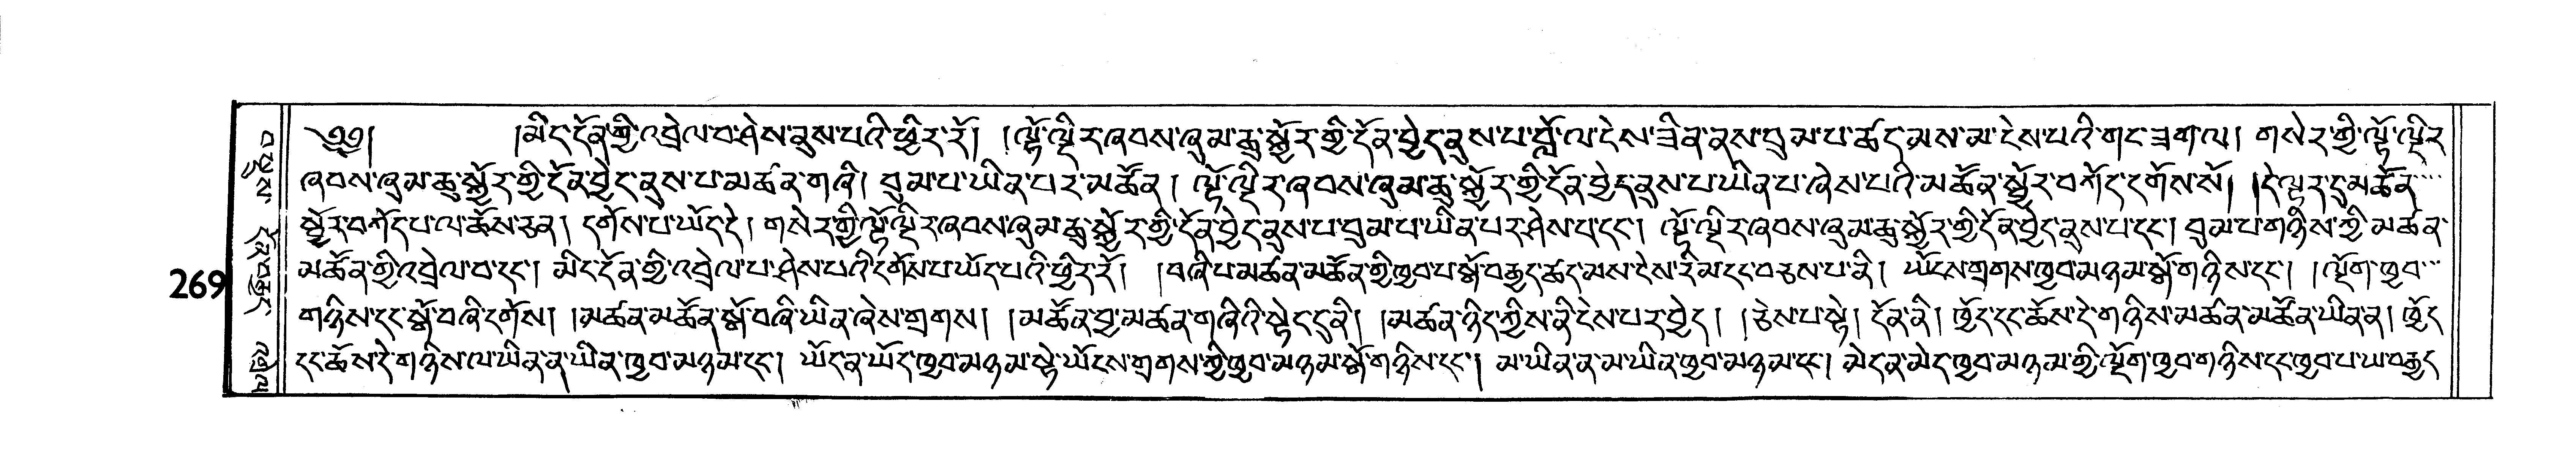༄༅། །མིང་དོན་གྱི་འབྲེལ་བ་ཤེས་ནུས་པའི་ཕྱིར་རོ། །ལྷོ་ལྡིར་ཞབས་ཞུམ་ཆུ་སྐྱོར་གྱི་དོན་བྱེད་ནུས་པ་བློ་ལ་ངེས་ཟིན་ནས་བུམ་པ་ཚད་མས་མ་ངེས་པའི་གང་ཟག་ལ། གསེར་གྱི་ལྷོ་ལྡིར་
ཞབས་ཞུམ་ཆུ་སྐྱོར་གྱི་དོན་བྱེད་ནུས་པ་མཚན་གཞི། བུམ་པ་ཡིན་པར་མཚོན། ལྷོ་ལྡིར་ཞབས་ཞུམ་ཆུ་སྐྱོར་གྱི་དོན་བྱེད་ནུས་པ་ཡིན་པ་ཞེས་པའི་མཚོན་སྦྱོར་བཀོད་དགོས་སོ། །དེ་ལྟར་དུ་མཚོན་
སྦྱོར་བཀོད་པ་ལ་ཆོས་ཅན། དགོས་པ་ཡོད་དེ། གསེར་གྱི་ལྷོ་ལྡིར་ཞབས་ཞུམ་ཆུ་སྐྱོར་གྱི་དོན་བྱེད་ནུས་པ་བུམ་པ་ཡིན་པར་ཤེས་པ་དང་། ལྷོ་ལྡིར་ཞབས་ཞུམ་ཆུ་སྐྱོར་གྱི་དོན་བྱེད་ནུས་པ་དང་། བུམ་པ་གཉིས་ཀྱི་མཚན་
མཚོན་གྱི་འབྲེལ་བ་དང་། མིང་དོན་གྱི་འབྲེལ་པ་ཤེས་པའི་དགོས་པ་ཡོད་པའི་ཕྱིར་རོ། །བཞི་པ་མཚན་མཚོན་གྱི་ཁྱབ་པ་སྒོ་བརྒྱད་ཚད་མས་ངེས་རིམ་དང་བཅས་པ་ནི། ཡོངས་གྲགས་ཁྱབ་མཉམ་སྒོ་གཉིས་དང་། ལྡོག་ཁྱབ་
གཉིས་དང་སྒོ་བཞི་དགོས། །མཚན་མཚོན་སྒོ་བཞི་ཡིན་ཞེས་གྲགས། །མཚོན་བྱ་མཚན་གཞིའི་སྟེང་དུ་ནི། །མཚན་ཉིད་ཀྱིས་ནི་ངེས་པར་བྱེད། །ཅེས་པ་སྟེ། དོན་ནི། ཁྱོད་དང་ཆོས་དེ་གཉིས་མཚན་མཚོན་ཡིན་ན། ཁྱོད་
དང་ཆོས་དེ་གཉིས་ལ་ཡིན་ན་ཡིན་ཁྱབ་མཉམ་དང་། ཡོད་ན་ཡོད་ཁྱབ་མཉམ་སྟེ་ཡོངས་གྲགས་ཀྱི་ཁྱབ་མཉམ་སྒོ་གཉིས་དང་། མ་ཡིན་ན་མ་ཡིན་ཁྱབ་མཉམ་དང་། མེད་ན་མེད་ཁྱབ་མཉམ་གྱི་ལྡོག་ཁྱབ་གཉིས་དང་ཁྱབ་པ་ཡ་བརྒྱད་